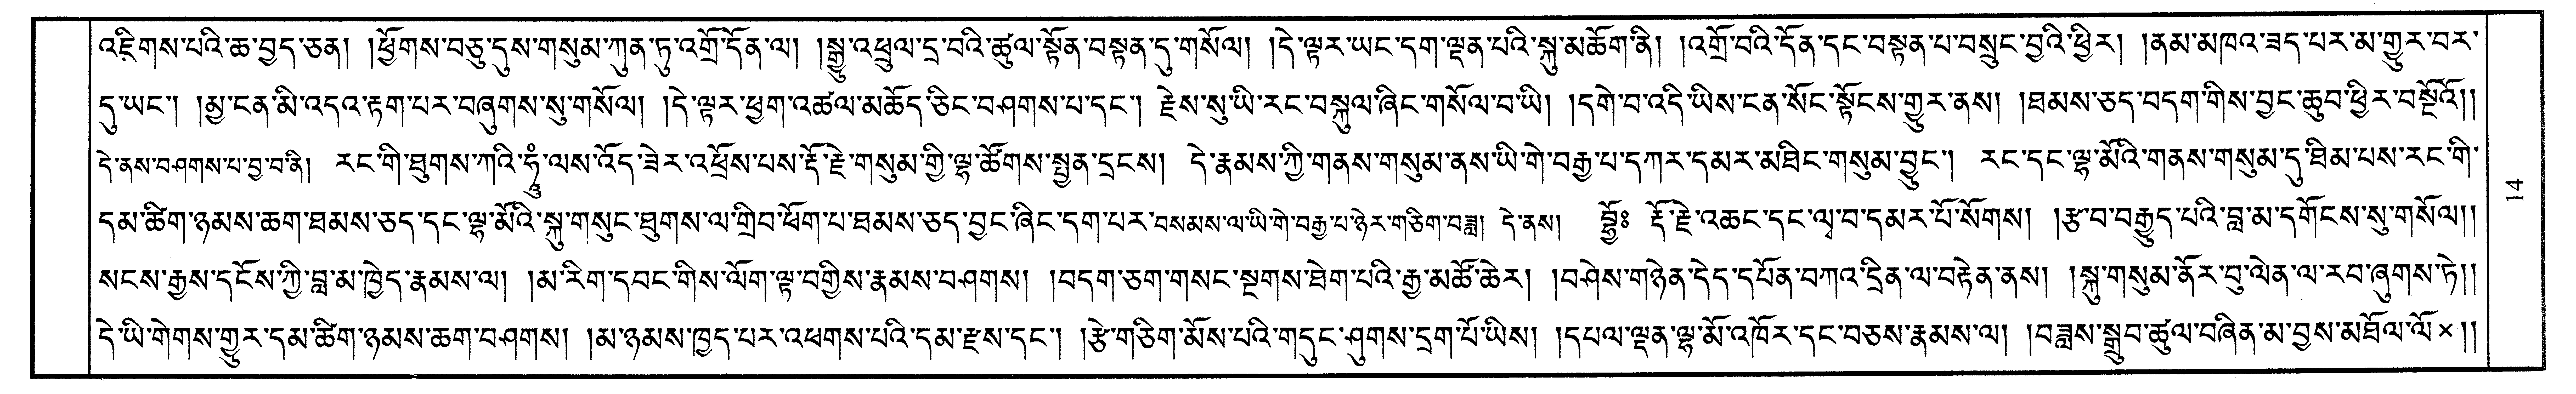འཇིགས་པའི་ཆ་བྱད་ཅན། །ཕྱོགས་བཅུ་དུས་གསུམ་ཀུན་ཏུ་འགྲོ་དོན་ལ། །སྒྱུ་འཕྲུལ་དྲ་བའི་ཚུལ་སྟོན་བསྟན་དུ་གསོལ། །དེ་ལྟར་ཡང་དག་ལྡན་པའི་སྐུ་མཆོག་ནི། །འགྲོ་བའི་དོན་དང་བསྟན་པ་བསྲུང་བྱའི་ཕྱིར། །ནམ་མཁའ་ཟད་པར་མ་གྱུར་བར་
དུ་ཡང་། །མྱ་ངན་མི་འདའ་རྟག་པར་བཞུགས་སུ་གསོལ། །དེ་ལྟར་ཕྱག་འཚལ་མཆོད་ཅིང་བཤགས་པ་དང་། རྗེས་སུ་ཡི་རང་བསྐུལ་ཞིང་གསོལ་བ་ཡི། །དགེ་བ་འདི་ཡིས་ངན་སོང་སྟོངས་གྱུར་ནས། །ཐམས་ཅད་བདག་གིས་བྱང་ཆུབ་ཕྱིར་བསྔོའོ།།
དེ་ནས་བཤགས་པ་བྱ་བ་ནི། རང་གི་ཐུགས་ཀའི་ཧཱུཾ་ལས་འོད་ཟེར་འཕྲོས་པས་རྡོ་རྗེ་གསུམ་གྱི་ལྷ་ཚོགས་སྤྱན་དྲངས། དེ་རྣམས་ཀྱི་གནས་གསུམ་ནས་ཡི་གེ་བརྒྱ་པ་དཀར་དམར་མཐིང་གསུམ་བྱུང་། རང་དང་ལྷ་མོའི་གནས་གསུམ་དུ་ཐིམ་པས་རང་གི་
དམ་ཚིག་ཉམས་ཆག་ཐམས་ཅད་དང་ལྷ་མོའི་སྐུ་གསུང་ཐུགས་ལ་གྲིབ་ཕོག་པ་ཐམས་ཅད་བྱང་ཞིང་དག་པར་བསམས་ལ་ཡི་གེ་བརྒྱ་པ་ཉེར་གཅིག་བཟླ། དེ་ནས། བྷྱོཿ རྡོ་རྗེ་འཆང་དང་ལྭ་བ་དམར་པོ་སོགས། །རྩ་བ་བརྒྱུད་པའི་བླ་མ་དགོངས་སུ་གསོལ།།
སངས་རྒྱས་དངོས་ཀྱི་བླ་མ་ཁྱེད་རྣམས་ལ། །མ་རིག་དབང་གིས་ལོག་ལྟ་བགྱིས་རྣམས་བཤགས། །བདག་ཅག་གསང་སྔགས་ཐེག་པའི་རྒྱ་མཚོ་ཆེར། །བཤེས་གཉེན་དེད་དཔོན་བཀའ་དྲིན་ལ་བརྟེན་ནས། །སྐུ་གསུམ་ནོར་བུ་ལེན་ལ་རབ་ཞུགས་ཏེ།།
དེ་ཡི་གེགས་གྱུར་དམ་ཚིག་ཉམས་ཆག་བཤགས། །མ་ཉམས་ཁྱད་པར་འཕགས་པའི་དམ་རྫས་དང་། །རྩེ་གཅིག་མོས་པའི་གདུང་ཤུགས་དྲག་པོ་ཡིས། །དཔལ་ལྡན་ལྷ་མོ་འཁོར་དང་བཅས་རྣམས་ལ། །བཟླས་སྒྲུབ་ཚུལ་བཞིན་མ་བྱས་མཐོལ་ལོ་྾།།